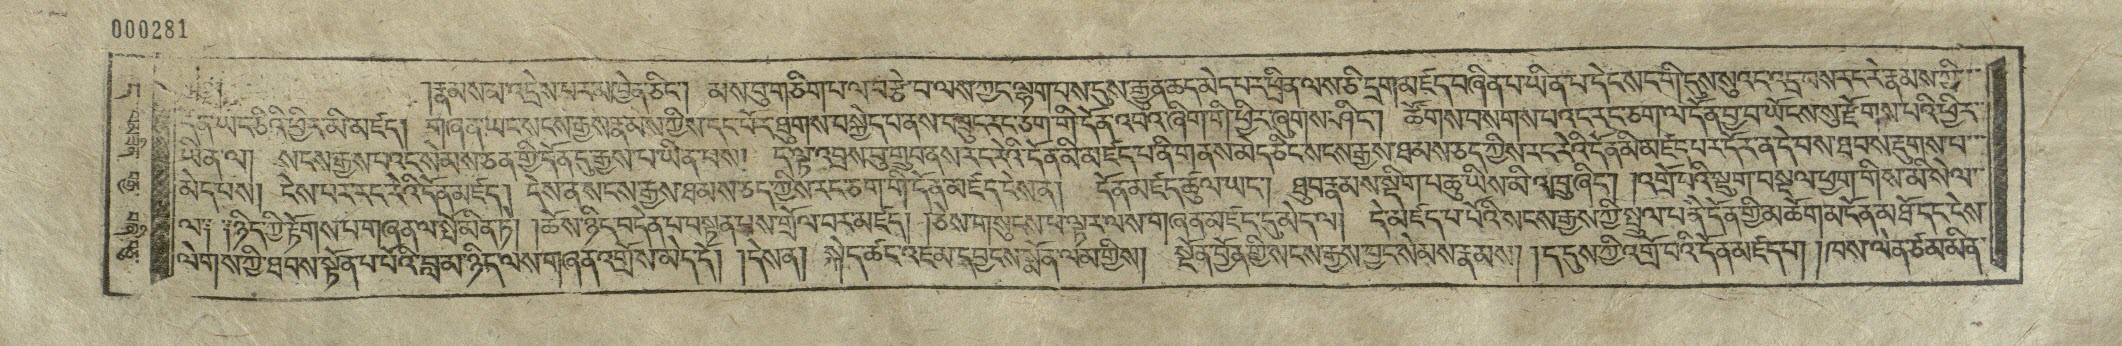༄༅། །རྣམས་མ་འདྲེས་པར་མཁྱེན་ཅིང་། མས་བུ་གཅིག་པ་ལ་བརྩེ་བ་ལས་ཀྱང་ལྷག་པས་དུས་རྒྱུན་ཆད་མེད་པར་ཕྲིན་ལས་ཅི་དྲག་མཛད་བཞིན་པ་ཡིན་པ་དེང་སང་གི་དུས་སུའང་འདྲ་བས་རང་རེ་རྣམས་ཀྱི་
དོན་ཡང་ཅིའི་ཕྱིར་མི་མཛད། གཞན་ཡང་སངས་རྒྱས་རྣམས་ཀྱིས་དང་པོར་ཐུགས་བསྐྱེད་པ་ནས་བཟུང་རང་ཅག་གི་དོན་འབའ་ཞིག་གི་ཕྱིར་ཞུགས་ཤིང་། ཚོགས་བསགས་པའང་རང་ཅག་ལ་དོན་བྱ་བ་ཡོངས་སུ་རྫོགས་པའི་ཕྱིར་
ཡིན་ལ། སངས་རྒྱས་པའང་སེམས་ཅན་གྱི་དོན་དུ་རྒྱས་པ་ཡིན་པས། ད་ལྟ་འབྲས་བུ་གྲུབ་ནས་རང་རེའི་དོན་མི་མཛད་པ་ནི་གནས་མེད་ཅིང་སངས་རྒྱས་ཐམས་ཅད་ཀྱིས་རང་རེའི་དོན་མི་མཛད་པར་དོར་ན་དེ་བས་ཐབས་རྡུགས་པ་
མེད་པས། ངེས་པར་རང་རེའི་དོན་མཛད། དེས་ན་སངས་རྒྱས་ཐམས་ཅད་ཀྱིས་རང་ཅག་གི་དོན་མཛད་ངེས་ན། དོན་མཛད་ཚུལ་ཡང་། ཐུབ་རྣམས་སྡིག་པ་ཆུ་ཡིས་མི་འཁྲུ་ཞིང་། །འགྲོ་བའི་སྡུག་བསྔལ་ཕྱག་གིས་མི་སེལ་
ལ༑ ༑ཉིད་ཀྱི་རྟོགས་པ་གཞན་ལ་སྤོ་མིན་ཏེ། །ཆོས་ཉིད་བདེན་པ་བསྟན་པས་གྲོལ་བར་མཛད། །ཅེས་གསུངས་པ་ལྟར་ལས་གཞན་མཛད་དུ་མེད་ལ། དེ་མཛད་པ་པོའི་སངས་རྒྱས་ཀྱི་སྤྲུལ་པ་ནི་དོན་གྱི་མཆོག་མངོན་མཐོ་དང་ངེས་
ལེགས་ཀྱི་ཐབས་སྟོན་པ་པོའི་བླ་མ་ཉིད་ལས་གཞན་འགྲོ་ས་མེད་དོ། །དེས་ན། སྐེད་ཚང་འཇམ་དབྱངས་སྨོན་ལམ་གྱིས། སྔོན་བྱོན་སྒྱི་སངས་རྒྱས་བྱང་སེམས་རྣམས། །ད་དུས་ཀྱི་འགྲོ་བའི་དོན་མཛད་པ། །ཁས་ལེན་ཙམ་མིན་